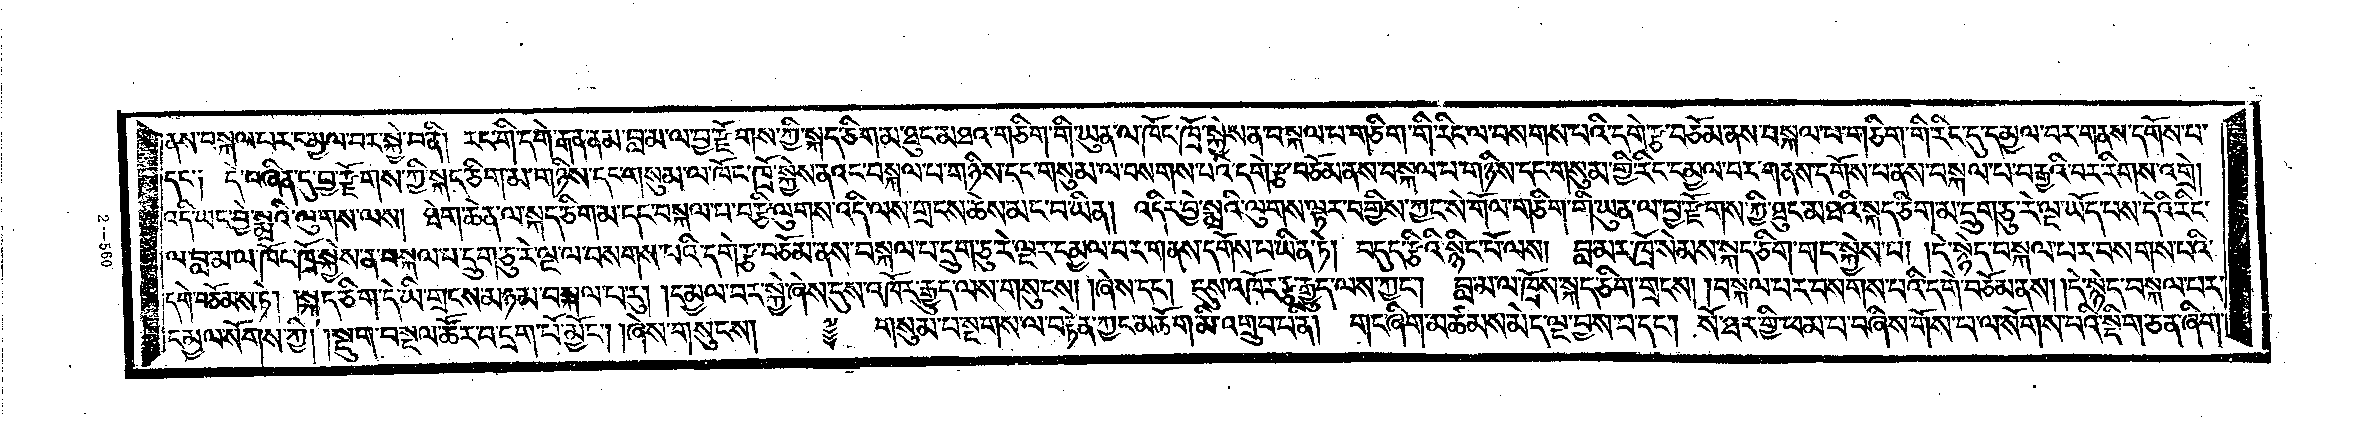ནས་བསྐལ་པར་དམྱལ་བར་སྐྱེ་བ་ནི། རང་གི་དགེ་རྒན་ནས་བླ་མ་ལ་བྱ་རྫོགས་ཀྱི་སྐད་ཅིག་མ་ཐུང་མཐའ་གཅིག་གི་ཡུན་ལ་ཁོང་ཁྲོ་སྐྱེས་ན་བསྐལ་པ་གཅིག་གི་རིང་ལ་བསགས་པའི་དགེ་རྩ་བཅོམ་ནས་བསྐལ་པ་གཅིག་གི་རིང་དུ་དམྱལ་བར་གནས་དགོས་པ་
དང༑ དེ་བཞིན་དུ་བྱ་རྫོགས་ཀྱི་སྐད་ཅིག་མ་གཉིས་དང་གསུམ་ལ་ཁོང་ཁྲོ་སྐྱེས་ནའང་བསྐལ་པ་གཉིས་དང་གསུམ་ལ་བསགས་པའི་དགེ་རྩ་བཅོམ་ནས་བསྐལ་པ་གཉིས་དང་གསུམ་གྱི་རིང་དམྱལ་བར་གནས་དགོས་པ་ནས་བསྐལ་བ་བརྒྱའི་བར་རིགས་འགྲེ།
འདི་ཡང་བྱེ་རྨྲའི་ལུགས་ལས། ཐེག་ཆེན་ལ་སྐད་ཅིག་མ་དང་བསྐལ་པ་བརྩི་ལུགས་འདི་ལས་གྲང་ཆེས་མང་བ་ཡིན། འདིར་བྱེ་སྨྲའི་ལུགས་ལྟར་བགྱིས་ཀྱང་སེ་གོལ་གཅིག་གི་ཡུན་ལ་བྱ་རྫོགས་ཀྱི་ཐུང་མཐའི་སྐད་ཅིག་མ་དྲུག་ཅུ་རེ་ལྔ་ཡོད་པས་དེའི་རིང་
ལ་བླ་མ་ལ་ཁོང་ཁྲོ་སྐྱེས་ན་བསྐལ་པ་དྲུག་ཅུ་རེ་ལྔ་ལ་བསགས་པའི་དགེ་རྩ་བཅོམ་ནས་བསྐལ་པ་དྲུག་ཅུ་རེ་ལྔར་དམྱལ་བར་གནས་དགོས་པ་ཡིན་ཏེ། བདུད་རྩིའི་སྙིང་པོ་ལས། བླ་མར་ཁྲོ་སེམས་སྐད་ཅིག་གང་སྐྱེས་པ། །དེ་སྙེད་བསྐལ་པར་བསགས་པའི་
དགེ་བཅོམས་ཏེ། །སྐད་ཅིག་དེ་ཡི་གྲངས་མཉམ་བསྐལ་པ་རུ། །དམྱལ་བར་སྐྱེ་ཞེས་དུས་འཁོར་རྒྱུད་ལས་གསུངས། །ཞེས་དང་། དུས་འཁོར་རྩ་རྒྱུད་ལས་ཀྱང་། བླ་མ་ལ་ཁྲོས་སྐད་ཅིག་གྲངས། །བསྐལ་བར་བསགས་པའི་དགེ་བཅོམ་ནས། །དེ་སྙིང་བསྐལ་པར་
དམྱལ་སོགས་ཀྱི། །སྡུག་བསྔལ་ཚོར་བ་དྲག་པོ་མྱོང་། །ཞེས་གསུངས། ༈ གསུམ་པ་སྔགས་ལ་བརྟེན་ཀྱང་མཆོག་མི་འགྲུབ་པ་ན། གང་ཞིག་མཚམས་མེད་ལྔ་བྱས་པ་དང་། སོ་ཐར་གྱི་ཕམ་པ་བཞི་ས་གོས་པ་ལ་སོགས་པའི་སྡིག་ཅན་ཞིག་